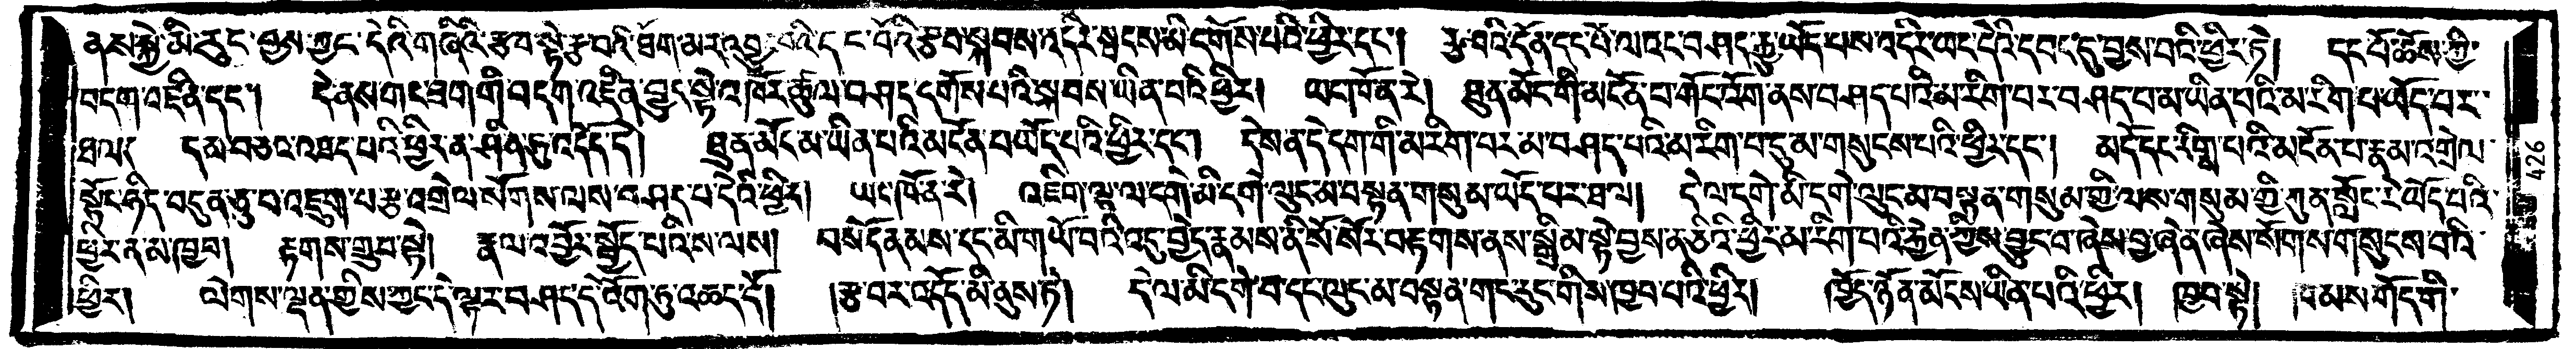ནས་སྐྱེ་མི་རུང་བྱས་ཀྱང་དེའི་གཞིའི་རྩ་བ་སྟེ་རྩ་བའི་ཐོག་མར་འབྱུང་བའི་དང་བོའི་རྩ་བ་སྐབས་འདིར་སྤངས་མི་དགོས་པའི་ཕྱིར་དང་། རྩ་བའི་དོན་དང་པོ་ལའང་བཤད་རྒྱུ་ཡོད་པས་འདིར་ཡང་དེའི་དབང་དུ་བྱས་པའི་ཕྱིར་ཏེ། དང་པོ་ཆོས་ཀྱི་
བདག་འཛིན་དང་། དེ་ནས་གང་ཟག་གི་བདག་འཛིན་བྱུང་སྟེ་འཁོར་ཚུལ་བཤད་དགོས་པའི་སྐབས་ཡིན་པའི་ཕྱིར། ཡང་ཁོ་ན་རེ། ཐུན་མོང་གི་མངོན་པ་གོང་འོག་ནས་བཤད་པའི་མ་རིག་པར་བཤད་པ་མ་ཡིན་བའི་མ་རིག་པ་ཡོད་པར་
ཐལ༑ དམ་བཅའ་འཐད་པའི་ཕྱིར་ན་ཤིན་ཏུ་འདོད་དེ། ཐུན་མོང་མ་ཡིན་པའི་མངོན་པ་ཡོད་པའི་ཕྱིར་དང་། དེས་ན་དེ་དག་གི་མ་རིག་པར་མ་བཤད་པའི་མ་རིག་བ་དུ་མ་གསུངས་པའི་ཕྱིར་དང་། མདོ་དང་རིགས་པའི་མངོན་པ་རྣམ་འགྲེལ་
སྟོང་ཉིད་བདུན་ཅུ་བ་འཇུག་པ་རྩ་འགྲེལ་སོགས་ལས་བཤད་པ་དེའི་ཕྱིར། ཡང་ཁོ་ན་རེ། འཇིག་ལྟ་ལ་དགེ་མི་དགེ་ལུང་མ་བསྟན་གསུམ་ཡོད་པར་ཐལ། དེ་ལ་དགེ་མི་དགེ་ལུང་མ་བསྟན་གསུམ་གྱི་ལས་གསུམ་གྱི་ཀུན་སློང་རེ་ཡོད་པའི་
ཕྱིར་ན་མ་ཁྱབ། རྟགས་གྲུབ་སྟེ། རྣལ་འབྱོར་སྦྱོད་པའི་ས་ལས། བསོད་ནམས་དང་མི་གཡོ་བའི་འདུ་བྱེད་རྣམས་ནི་སོ་སོར་བརྟགས་ནས་སྒྲིམ་སྟེ་བྱས་ན་ཅིའི་ཕྱིར་མ་རིག་པའི་རྐྱེན་ཀྱིས་བྱུང་བ་ཞེས་བྱ་ཞེན་ཞེས་སོགས་གསུངས་བའི་
ཕྱིར། ལེགས་ལྡན་གྱིས་ཀྱང་དེ་ལྟར་བཤད་དེ་འོག་ཏུ་འཆད་དོ། །རྩ་བར་འདོད་མི་ནུས་ཏེ། དེ་ལ་མི་དགེ་བ་དང་ལུང་མ་བསྟན་གང་རུང་གིས་ཁྱབ་པའི་ཕྱིར། ཁྱོད་ཉོན་མོངས་ཡིན་པའི་ཕྱིར། ཁྱབ་སྟེ། ཁམས་གོང་གི་